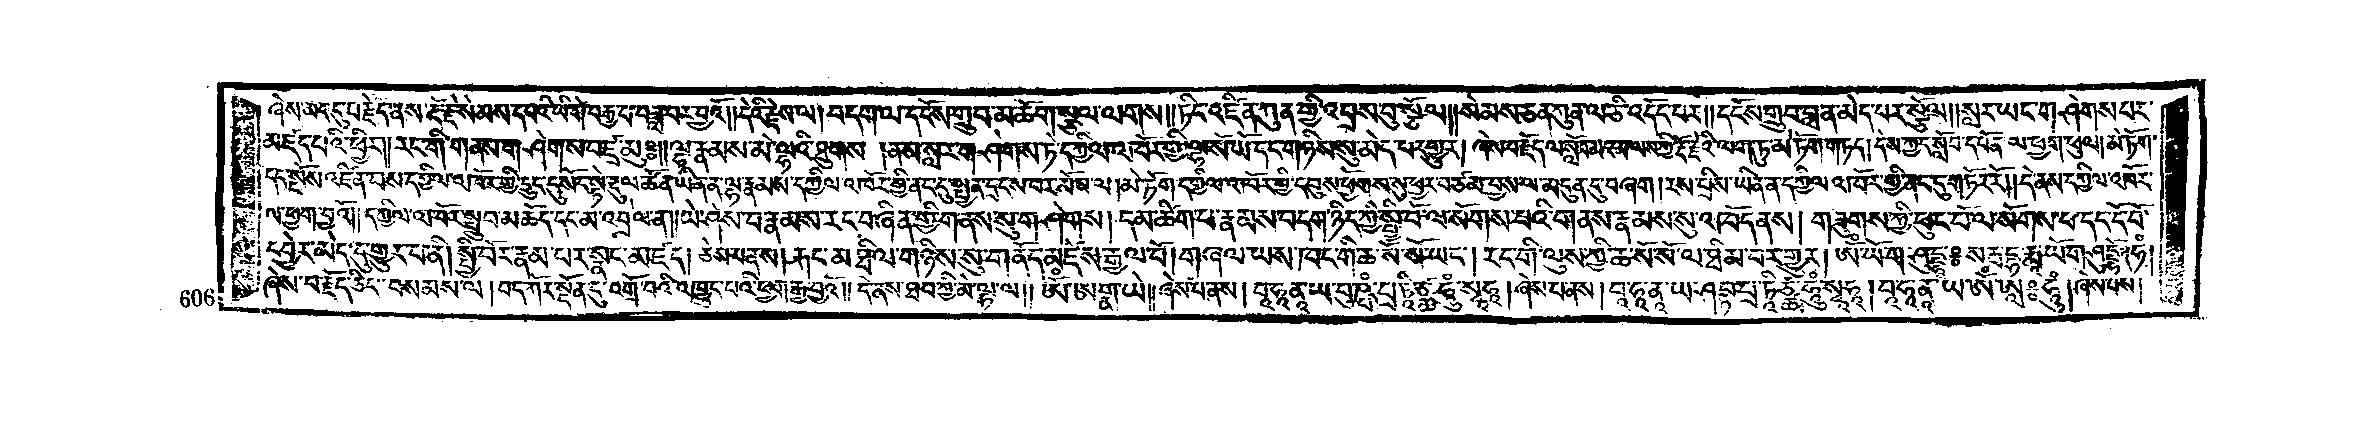ཞེས་མང་དུ་བརྗོད་ནས་རྡོ་རྗེ་སེམས་དཔའི་ཡི་གེ་བརྒྱ་པ་བཟླ་བར་བྱའོ། །དེའི་རྗེས་ལ། བདག་ལ་དངོས་གྲུབ་མཆོག་སྩོལ་ལགས། །ཏིང་འཛིན་ཀུན་གྱི་འབྲས་བུ་སྩོལ། །སེམས་ཅན་ཀུན་ལ་ཅི་འདོད་པར། །དངོས་གྲུབ་བླ་ན་མེད་པར་སྩོལ། །སླར་ཡང་གཤེགས་པར་
མཛད་པའི་ཕྱིར། །རང་གི་གནས་གཤེགས་བྫྲ་བུཿ། །ལྷ་རྣམས་མེ་ལྷའི་ཐུགས། ནས་སླར་གཤེགས་ཏེ་དཀྱིལ་འཁོར་གྱི་ལྷ་སོ་ཡོ་དང་གཉིས་སུ་མེད་པར་གྱུར། ཞེས་བརྗོད་ལ་སློབ་མའམ་ལས་ཀྱི་རྡོ་རྗེའི་ལག་ཏུ་མེ་ཏོག་གཏད། དེས་ཀྱང་སློབ་དཔོན་ལ་ཕྱག་ཕུལ། མེ་ཏོག་
དང་སྔོས་འཛིན་པས་དཀྱིལ་འཁོར་གྱི་དྲུང་དུ་སོང་སྟེ་རྡུལ་ཚོན་ཡིན་ན་ལྷ་རྣམས་དཀྱིལ་འཁོར་གྱི་ནང་དུ་སྤྱན་དྲངས་པར་མོས་ལ། མེ་ཏོག་དཀྱིལ་འཁོར་གྱི་དབུས་ཕྱོགས་སུ་ཕྱར་བ་ཙམ་བྱས་ལ་མདུན་དུ་བཞག །རས་པྲིས་ཡིན་ན་དཀྱིལ་འཁོར་གྱི་ནང་དུ་གཏོར་རོ། །དེ་ནས་དཀྱིལ་འཁོར་
ལ་ཕྱག་བྱའོ། །དཀྱིལ་འཁོར་སྒྲུབ་མཆོད་དང་མ་འབྲེལ་ན། །ཡེ་ཤེས་པ་རྣམས་རང་བཞིན་གྱི་གནས་སུ་གཤེགས། དམ་ཚིག་པ་རྣམས་བདག་ཉིད་ཀྱི་སྤྱི་བོ་ལ་སོགས་པའི་གནས་རྣམས་སུ་འཁོད་ནས། གཟུགས་ཀྱི་ཕུང་པོ་ལ་སོགས་པ་དང་ངོ་བོ་
དབྱེར་མེད་དུ་གྱུར་པ་ནི། སྤྱི་བོར་རྣམ་པར་སྣང་མཛད། ཅེས་པ་ནས། རྐང་མཐིལ་གཉིས་སུ་གནོད་མཛེས་རྒྱལ་པོ། གཞལ་ཡས་ཁང་གི་ཆ་སོ་སོ་ཡང་། རང་གི་ལུས་ཀྱི་ཆ་སོ་སོ་ལ་ཐིམ་པར་གྱུར། ཨོཾ་ཡོ་ག་ཤྡྡྷཱཿ སྲྦ་དྷ་རྨཱཱ་ཡོ་ག་ཤུདྡྷོཉ་ཧཾཨ། }
ཞེས་བརྗོད་ཅིང་བསམས་ལ། བད་ཀོར་སྔོན་དུ་འགྲོ་བའི་འཁྱུང་བའི་ཕྱག་རྒྱ་བྱའོ། །དེ་ནས་ཐབ་ཀྱི་མེ་ལྷ་ལ། །ཨོཾ་ཨགན་ཡེ། །ཞེས་པ་ནས། བཱ་ཧཱ་ནཱ་ཡ་བུ་ཥཔཾ་པྲ་ཏཱི་ཙྪ་ཧཱུཾ་སVའ་ཧཱ། ཞེས་པ་ནས། བཱ་ཧཱ་ནཱ་ཡ་ཤཔྟ་པྲ་ཏཱི་ཙྪ་ཧཱུཾ་སVའ་ཧཱ། བཱ་ཧཱ་ནཱ་ཡ་ཨོཾ་ཨཱཿ ཧཱུཾ། ཞེས་པས།